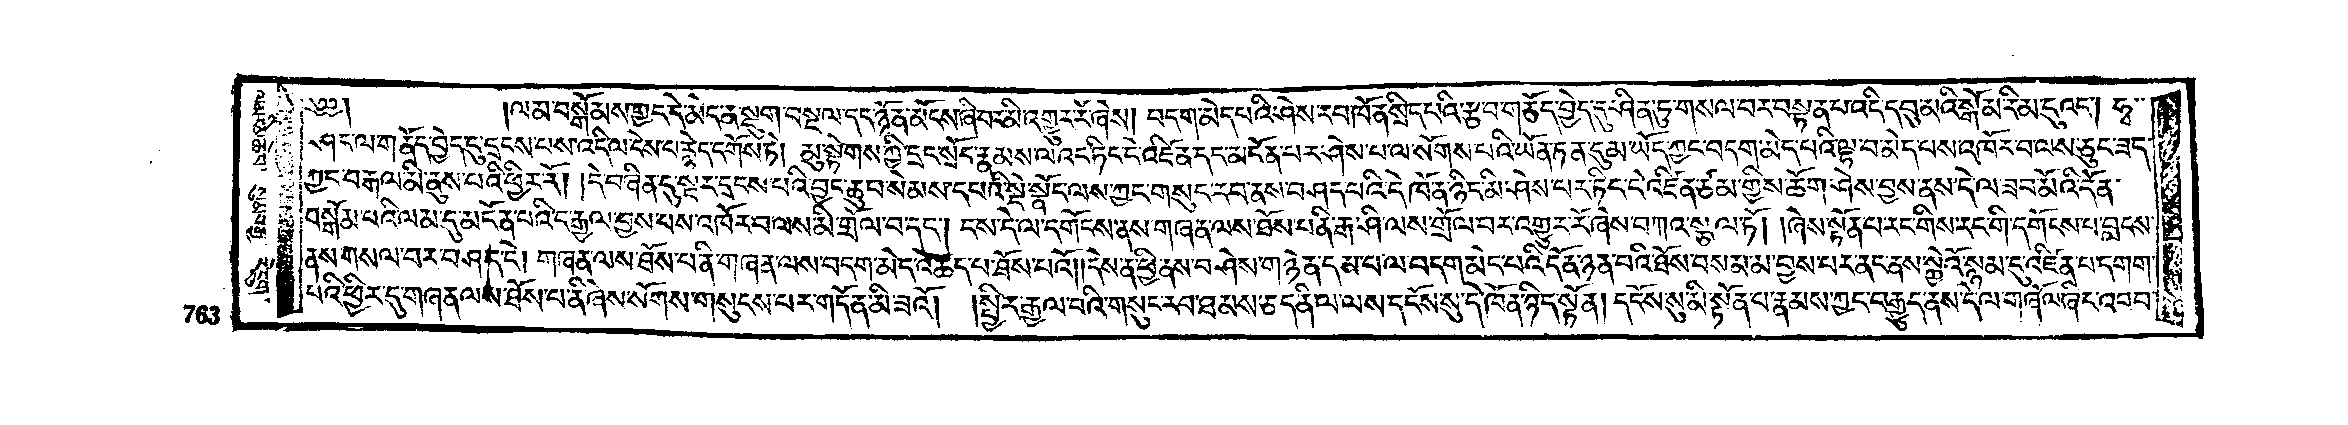༄༅། །ལམ་བསྒོམས་ཀྱང་དེ་མེད་ན་སྡུག་བསྔལ་དང་ཉོན་མོངས་ཞི་བར་མི་འགྱུར་རོ་ཞེས། བདག་མེད་པའི་ཤེས་རབ་ཁོ་ན་སྲིད་པའི་རྩ་བ་གཅོད་བྱེད་དུ་ཤིན་ཏུ་གསལ་བར་བསྟན་པ་འདི་དབུ་མའི་སྒོམ་རིམ་དུའང་། ཧྭ་
ཤང་ལ་གནོད་བྱེད་དུ་དྲངས་པས་འདི་ལ་ངེས་པ་རྙེད་དགོས་ཏེ། མུ་སྟེགས་ཀྱི་དྲང་སྲོང་རྣམས་ལའང་ཏིང་ངེ་འཛིན་དང་མངོན་པར་ཤེས་པ་ལ་སོགས་པའི་ཡོན་ཏན་དུ་མ་ཡོད་ཀྱང་བདག་མེད་པའི་ལྟ་བ་མེད་པས་འཁོར་བ་ལས་ཅུང་ཟད་
ཀྱང་བརྒལ་མི་ནུས་པའི་ཕྱིར་རོ། །དེ་བཞིན་དུ་སྔར་དྲངས་པའི་བྱང་ཆུབ་སེམས་དཔའི་སྡེ་སྣོད་ལས་ཀྱང་གསུང་རབ་ནས་བཤད་པའི་དེ་ཁོ་ན་ཉིད་མི་ཤེས་པར་ཏིང་ངེ་འཛིན་ཙམ་གྱིས་ཆོག་ཤེས་བྱས་ནས་དེ་ལ་ཟབ་མོའི་དོན་
བསྒོམ་པའི་ལམ་དུ་མངོན་པའི་ང་རྒྱལ་བྱས་པས་འཁོར་བ་ལས་མི་གྲོལ་བ་དང་། ངས་དེ་ལ་དགོངས་ནས་གཞན་ལས་ཐོས་པ་ནི་རྒ་ཤི་ལས་གྲོལ་བར་འགྱུར་རོ་ཞེས་བཀའ་སྩལ་ཏོ། །ཞེས་སྟོན་པ་རང་གིས་རང་གི་དགོངས་པ་བླངས་
ནས་གསལ་བར་བཤད་དེ། གཞན་ལས་ཐོས་པ་ནི་གཞན་ལས་བདག་མེད་འཆད་པ་ཐོས་པའོ། །དེས་ན་ཕྱི་ནས་བཤེས་གཉེན་དམ་པ་ལ་བདག་མེད་པའི་དོན་ཉན་པའི་ཐོས་བསམ་མ་བྱས་པར་ནང་ནས་སྐྱེའོ་སྙམ་དུ་འཛིན་པ་དགག་
པའི་ཕྱིར་དུ་གཞན་ལས་ཐོས་པ་ནི་ཞེས་སོགས་གསུངས་པར་གདོན་མི་ཟའོ། །སྤྱིར་རྒྱལ་བའི་གསུང་རབ་ཐམས་ཅད་ནི་ལ་ལས་དངོས་སུ་དེ་ཁོ་ན་ཉིད་སྟོན། དངོས་སུ་མི་སྟོན་པ་རྣམས་ཀྱང་བརྒྱུད་ནས་དེ་ལ་གཞོལ་ཞིང་འབབ་